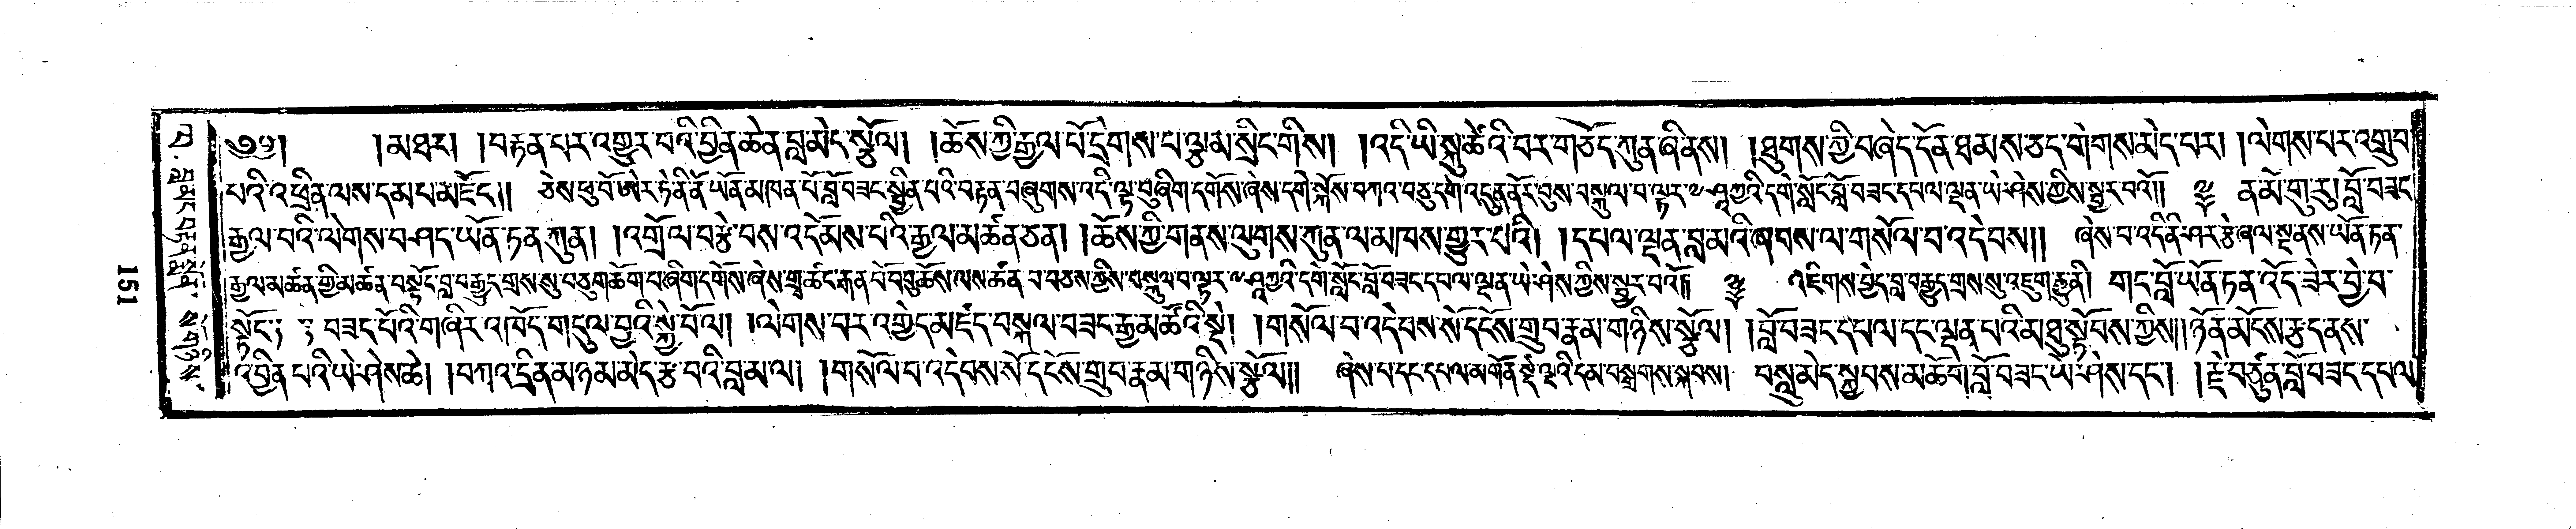༄༅། །མཐར། །བརྟན་པར་འགྱུར་པའི་བྱིན་ཆེན་བླ་མེད་སྩོལ། །ཆོས་ཀྱི་རྒྱལ་པོ་དྲེགས་པ་ལྕམ་སྲིང་གིས། །འདི་ཡི་སྐུ་ཚེའི་བར་གཅོད་ཀུན་ཞི་ནས། །ཐུགས་ཀྱི་བཞེད་དོན་ཐམས་ཅད་གེགས་མེད་པར། །ལེགས་པར་འགྲུབ་
པའི་འཕྲིན་ལས་དམ་པ་མཛོད། ཅེས་ཕུ་བོ་ཨེར་ཏེ་ནི་ནོ་ཡོན་མཁན་པོ་བློ་བཟང་སྦྱིན་པའི་བརྟན་བཞུགས་འདི་ལྟ་བུ་ཞིག་དགོས་ཞེས་དགེ་སྐོས་བཀའ་བཅུ་དགེ་འདུན་ནོར་བུས་བསྐུལ་བ་ལྟར་༧་ཤཱཀྱའི་དགེ་སློང་བློ་བཟང་དཔལ་ལྡན་ཡེ་ཤེས་ཀྱིས་སྦྱར་བའོ།། ༈ ན་མོ་གུ་རུ། བློ་བཟང་
རྒྱལ་བའི་ལེགས་བཤད་ཡོན་ཏན་ཀུན། །འགྲོ་ལ་བརྩེ་བས་འདོམས་པའི་རྒྱལ་མཚན་ཅན། །ཆོས་ཀྱི་གནས་ལུགས་ཀུན་ལ་མཁས་གྱུར་པའི། །དཔལ་ལྡན་བླ་མའི་ཞབས་ལ་གསོལ་བ་འདེབས། ཞེས་པ་འདི་ནི་ཤར་རྩེ་ཞལ་སྔ་ནས་ཡོན་ཏན་
རྒྱལ་མཚན་གྱི་མཚན་བསྟོང་བླ་བརྒྱུད་གྲས་སུ་བཅུག་ཆོག་པ་ཞིག་དགོས་ཞེས་གྲྭ་ཚང་རྒན་པོ་བ་བུ་ཆོས་ལས་ཚན་བ་བཅས་ཀྱིས་བསྐུལ་བ་ལྟར་༧་ཤཱཀྱའི་དགེ་སློང་བློ་བཟང་དཔལ་ལྡན་ཡེ་ཤེས་ཀྱིས་སྦྱར་བའོ།། ༈ འཇིགས་བྱེད་བླ་བརྒྱུད་གྲས་སུ་འཇུག་རྒྱུ་ནི། གང་བློ་ཡོན་ཏན་འོད་ཟེར་བྱེ་བ་
སྟོང༑ ༑བཟང་པོའི་གཞིར་འཁོད་གདུལ་བྱའི་སྐྱེ་བོ་ལ། །ལེགས་པར་འགྱེད་མཛད་བསྐལ་བཟང་རྒྱ་མཚོའི་སྡེ། །གསོལ་བ་འདེབས་སོ་དངོས་གྲུབ་རྣམ་གཉིས་སྩོལ། །བློ་བཟང་དཔལ་དང་ལྡན་པའི་མཐུ་སྟོབས་ཀྱིས། །ཉོན་མོངས་རྩད་ནས་
འབྱིན་པའི་ཡེ་ཤེས་ཆེ། །བཀའ་དྲིན་མཉམ་མེད་རྩ་བའི་བླ་མ་ལ། །གསོལ་བ་འདེབས་སོ་དངོས་གྲུབ་རྣམ་གཉིས་སྩོལ།། ཞེས་པ་དང་དཔལ་མགོན་སྡེ་ལྔའི་དམ་བསྒྲགས་སྐབས། བསླུ་མེད་སྐྱབས་མཆོག་བློ་བཟང་ཡེ་ཤེས་དང་། །རྗེ་བཙུན་བློ་བཟང་དཔལ་